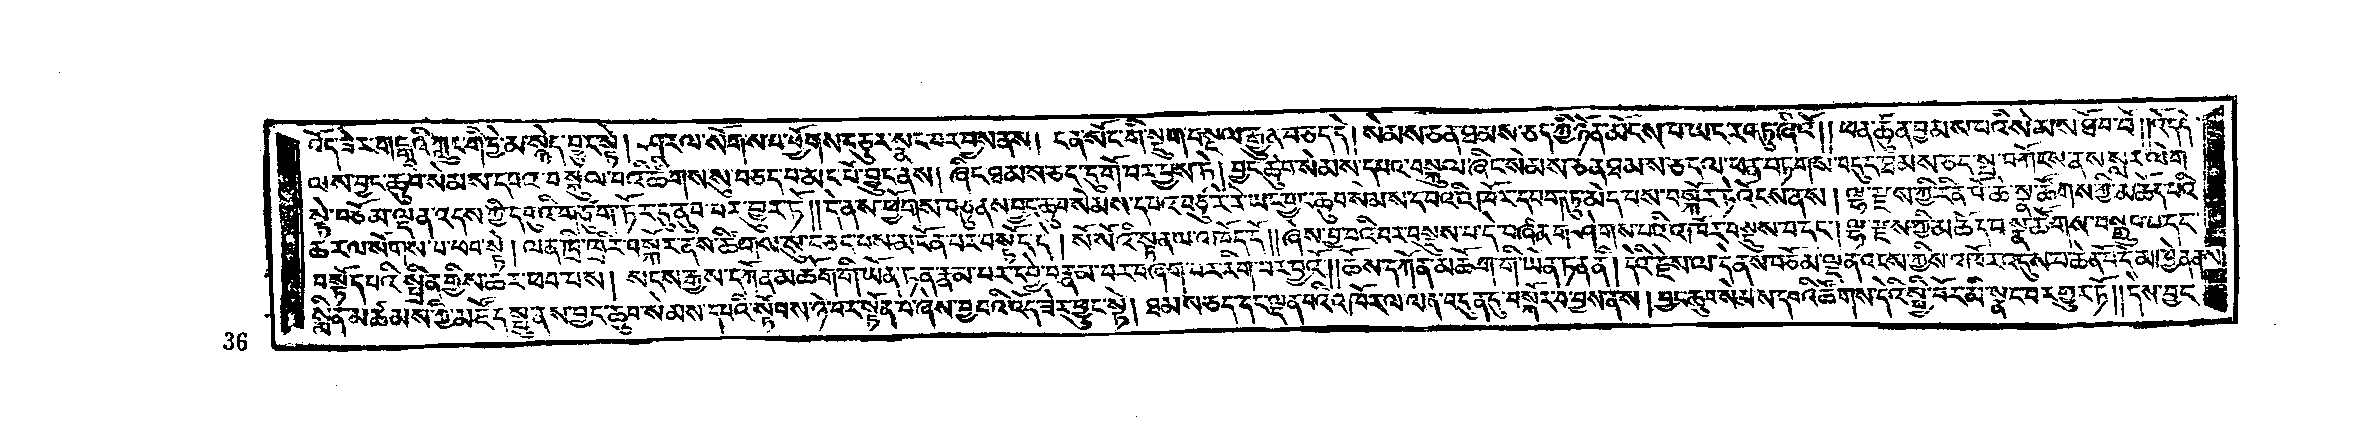འོད་ཟེར་གངགཱའི་གླུང་གི་བྱེ་མ་སྙེད་བྱུང་སྟེ། ཤར་ལ་སོགས་པ་ཕྱོགས་བཅུར་སྣང་བར་བྱས་ནས། ངན་སོང་གི་སྡུག་བསྔལ་རྒྱུན་བཅད་དེ། སེམས་ཅན་ཐམས་ཅད་ཀྱི་ཉོན་མོངས་པ་ཡང་རབ་ཏུ་ཞིའོ། །ཕན་ཚུན་བྱམས་པའི་སེམས་ཐོབ་བོ། །འོད་དེ་
ལས་བྱང་ཆུབ་སེམས་དཔའ་བསྐུལ་བའི་ཚིགས་སུ་བཅད་པ་མང་པོ་བྱུང་ནས། ཞིང་ཐམས་ཅད་དུ་གོ་བར་བྱས་ཏེ། བྱང་ཆུབ་སེམས་དཔའ་བསྐུལ་ཞིང་སེམས་ཅན་ཐམས་ཅད་ལ་ཕན་བཏགས་བདུད་ཐམས་ཅད་སྤ་བཀོངས་ནས་སླར་ལེག་
སྟེ་བཅོམ་ལྡན་འདས་ཀྱི་དབུའི་གཙུག་ཏོར་དུ་ནུབ་པར་བྱུར་ཏོ། །དེ་ནས་ཕྱོགས་བཅུ་ནས་བྱང་ཆུབ་སེམས་དཔའ་བཅུ་རེ་རེ་ཡང་བྱང་ཆུབ་སེམས་དཔའ་འི་ཁོར་དཔག་ཏུ་མེད་པས་བསྐོར་ཏེ་འོངས་ནས། ལྷ་རྫས་ཀྱི་རིན་པོ་ཆེ་སྣ་ཚོགས་ཀྱི་མཆོད་པའི་
ཆར་ལ་སོགས་པ་ཕབ་སྟེ། ལན་ཁྲི་ཁྲིར་བསྐོར་ནས་ཚིགས་སུ་བཅད་པས་མངོན་པར་བསྟོད་དེ། སོ་སོའི་སྟན་ལ་འཁོད་དོ། །ཞེས་བྱ་བའི་བར་བསྡུས་པ་དེ་བཞིན་གཤེགས་པའི་འཁོར་བསྡུས་པ་དང་། ལྷ་རྫས་ཀྱི་མཆོད་པ་སྣ་ཚོགས་བསྒྲུབ་པ་དང་།
བསྟོད་པའི་སྤྲིན་གྱིས་ཆར་ཕབ་པས། སངས་རྒྱས་དཀོན་མཆོག་གི་ཡོན་ཏན་རྣམ་པར་དབྱེ་བ་རྣམ་པར་བཞག་པར་རིག་པར་བྱའོ། །ཆོས་དཀོན་མཆོག་གི་ཡོན་ཏན་ནི། དེའི་རྗེས་ལ་དེ་ནས་བཅོམ་ལྡན་འདས་ཀྱིས་འཁོར་འདུས་པ་ཆེན་པོ་དེ་མཁྱེན་ནས་
སྨིན་མཚམས་ཀྱི་མཛོད་སྤུ་ནས་བྱང་ཆུབ་སེམས་དཔའི་སྟོབས་ཉེ་བར་སྟོན་པ་ཞེས་བྱ་བའི་འོད་ཟེར་ཕྱུང་སྟེ། ཐམས་ཅད་དང་ལྡན་པའི་འཁོར་ལ་ལན་བདུན་དུ་བསྐོར་བ་བྱས་ནས། བྱང་ཆུབ་སེམས་དཔའི་ཚོགས་དེའི་སྤྱི་བོར་མི་སྣང་བར་གྱུར་ཏོ། །དེས་བྱང་